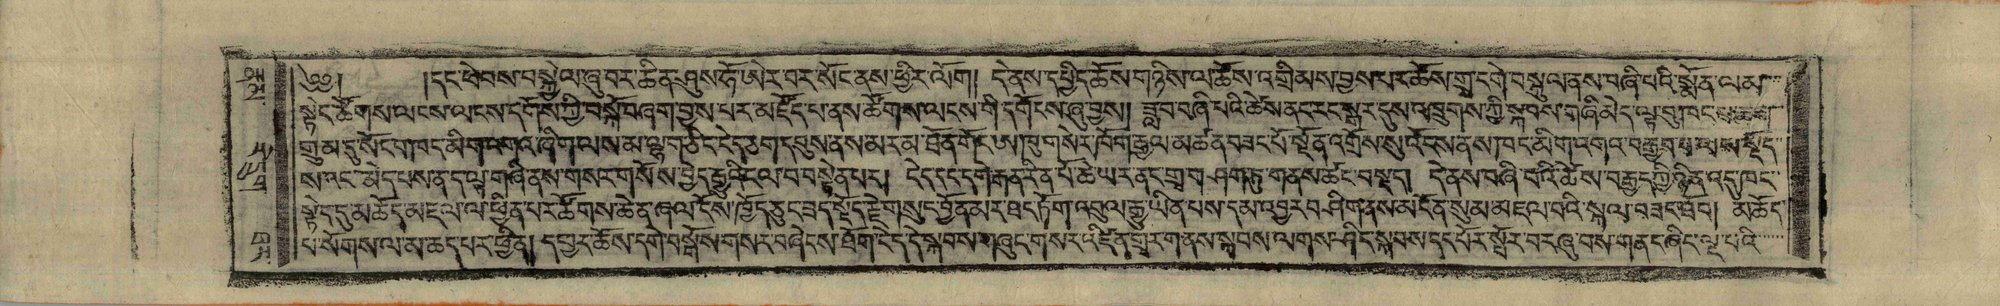༄༅། །དང་ཕེབས་བསྐྱེལ་ཞུ་བར་ཆིན་ཤུས་ཧོ་ཨེར་བར་སོང་ནས་ཕྱིར་ལོག །དེ་ནས་དཔྱིད་ཆོས་གཉིས་ལ་ཆོས་འགྲིམས་བྱས་པར་ཆོས་གྲྭ་དགེ་བསྐུལ་ནས་བཞི་པའི་སྨོན་ལམ་
སྟེང་ཚོགས་ལངས་ལངས་དགོས་ཀྱི་བསྐོ་བཞག་བྱས་པར་མཛོད་པ་ནས་ཚོགས་ལངས་གི་དགོངས་ཞུ་བྱས། ཟླ་བ་བཞི་པའི་ཚེས་ནང་རང་སྒར་དུས་འཁྲུགས་ཀྱི་སྐབས་གཞི་མེད་ལྟ་བུ་ཁང་པ་ཆག་
གྲུམ་དུ་སོང་བ་ཁང་མིག་འགའ་ཞིག་ལས་མ་ལྷག་ཅིང་ངེད་ཅག་དབུས་ནས་མར་མ་ཐོན་གོང་ཨ་ཁུ་གསེར་ཁོག་རྒྱལ་མཚན་བཟང་པོ་སྔོན་འགྲོས་སུ་འོངས་ནས་ཁང་མིག་འགའ་བརྒྱབ་པ་ལས་སྡོད་
ས་འང་མེད་པས་ནད་ལྟ་གཞི་ནས་གསར་གསོས་བྱེད་རྒྱུའི་ངལ་བ་བསྟེན་པར། ངེད་དང་དགེ་རྒན་རིན་པོ་ཆེ་ཡར་ནང་གྲྭ་གཤག་ཏུ་གནས་ཚང་བསྡད། དེ་ནས་བཞི་པའི་ཚེས་བརྒྱད་ཀྱི་ཉིན་འདུ་ཁང་
སྟེང་དུ་མཆོད་མཇལ་ལ་ཕྱིན་པར་ཚོགས་ཆེན་ཞལ་ངོས་ཁྱོད་ཅུང་ཟད་སྡོད་རྗེ་གསུང་བྱོན་མར་ཐང་ཏོག་འབུལ་རྒྱུ་ཡིན་པས་དམ་འབྱར་བཤིག་ནས་མངོན་སུམ་མཇལ་བའི་སྐལ་བཟང་ཐོབ། མཆོད་
པ་སོགས་ལ་མ་ཆད་པར་ཕྱིན། དབྱར་ཆོས་དགེ་བསྒོས་གསར་བཞེངས་ཐོག་ངེད་དེ་སྐབས་གཞུང་གསར་འཛིན་གྲྭར་གནས་སྐབས་ལགས་ཤིང་སྐབས་དང་པོར་སྤོར་བར་ཞུ་བས་གནང་ཞིང་ལྔ་པའི་